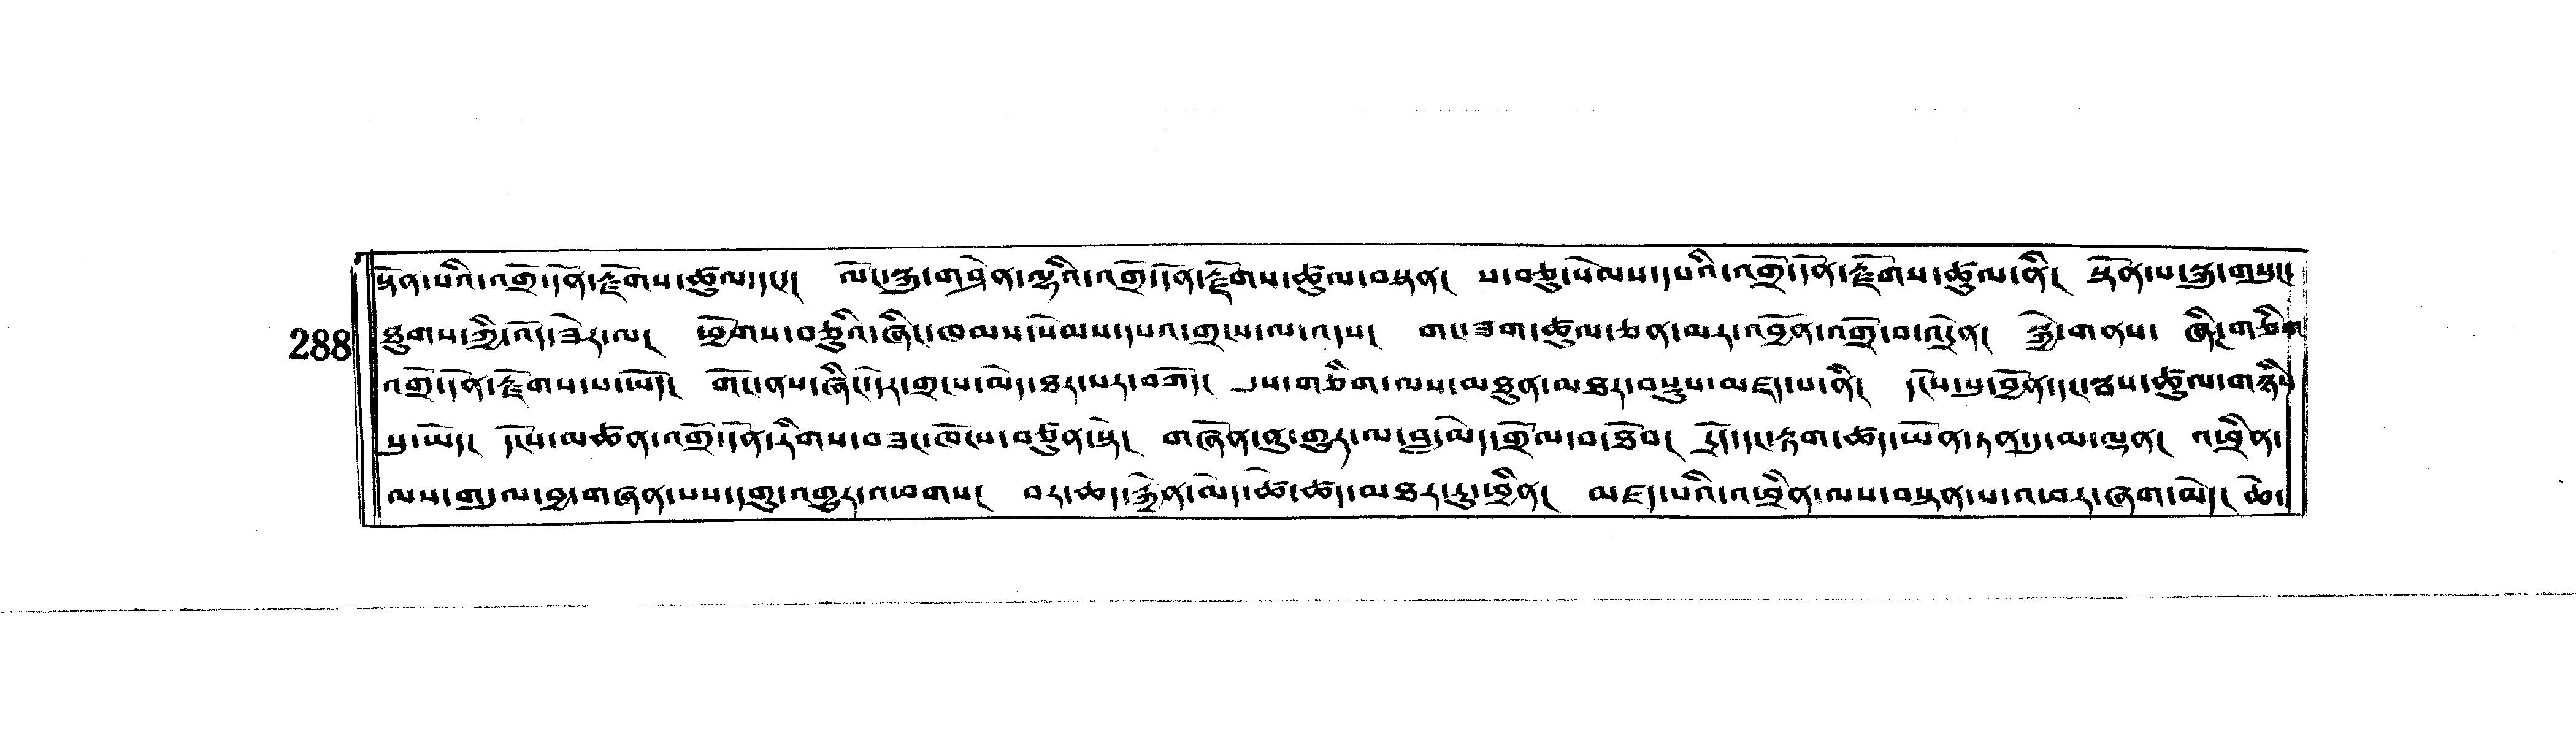སྟོན་པའི་འགྲོ་དོན་རྫོགས་ཚུལ་དང་། ལོངས་སྐུ་གཤེན་ལྷའི་འགྲོ་དོན་རྫོགས་ཚུལ་བསྟན། ས་བཅུ་སེམས་དཔའ་འགྲོ་དོན་རྫོགས་ཚུལ་ནི། སྟོན་པ་སྐུ་གསུང་
ཐུགས་ཀྱི་འོད་ཟེར་ལ། ཕྱོགས་བཅུའི་ཞིང་ཁམས་སེམས་དཔའ་གྲངས་ལས་འདས། གང་ཟག་ཚུལ་ཅན་མར་འབྱོན་འགྲོ་བ་འདྲེན། སྐྱེ་གནས་ཞིང་གཅིག་
འགྲོ་དོན་རྫོགས་པ་ཡོད། གོང་ནས་ཞིང་དེར་གྲངས་མེད་ཐར་པར་བཀོད། དུས་གཅིག་ལས་མཐུན་མཐར་བསྡུས་མཛད་པ་ནི། དངོས་སུ་བྱོན་དང་སྦས་ཚུལ་གཉིས་
སུ་ཡོད། དངོས་མཚན་འགྲོ་དོན་རིགས་བཟང་ཁུངས་བཙུན་ཏེ། གཞོན་ནུ་གྱུར་ལ་བླ་མེད་གྲོལ་བ་ཐོབ། དྲོད་དང་རྟགས་ཚད་ཡོན་ཏན་དུ་མ་ལྡན། འཕྲིན་
ལས་གདུལ་བྱ་གཞན་བས་དགུ་འགྱུར་འཕགས། བར་ཆད་རྐྱེན་མེད་ཚེ་ཚད་མཐའ་རུ་ཕྱིན། མཛད་པའི་འཕྲིན་ལས་བསྟན་པ་འཕར་བཞག་མེད། ཆེ་